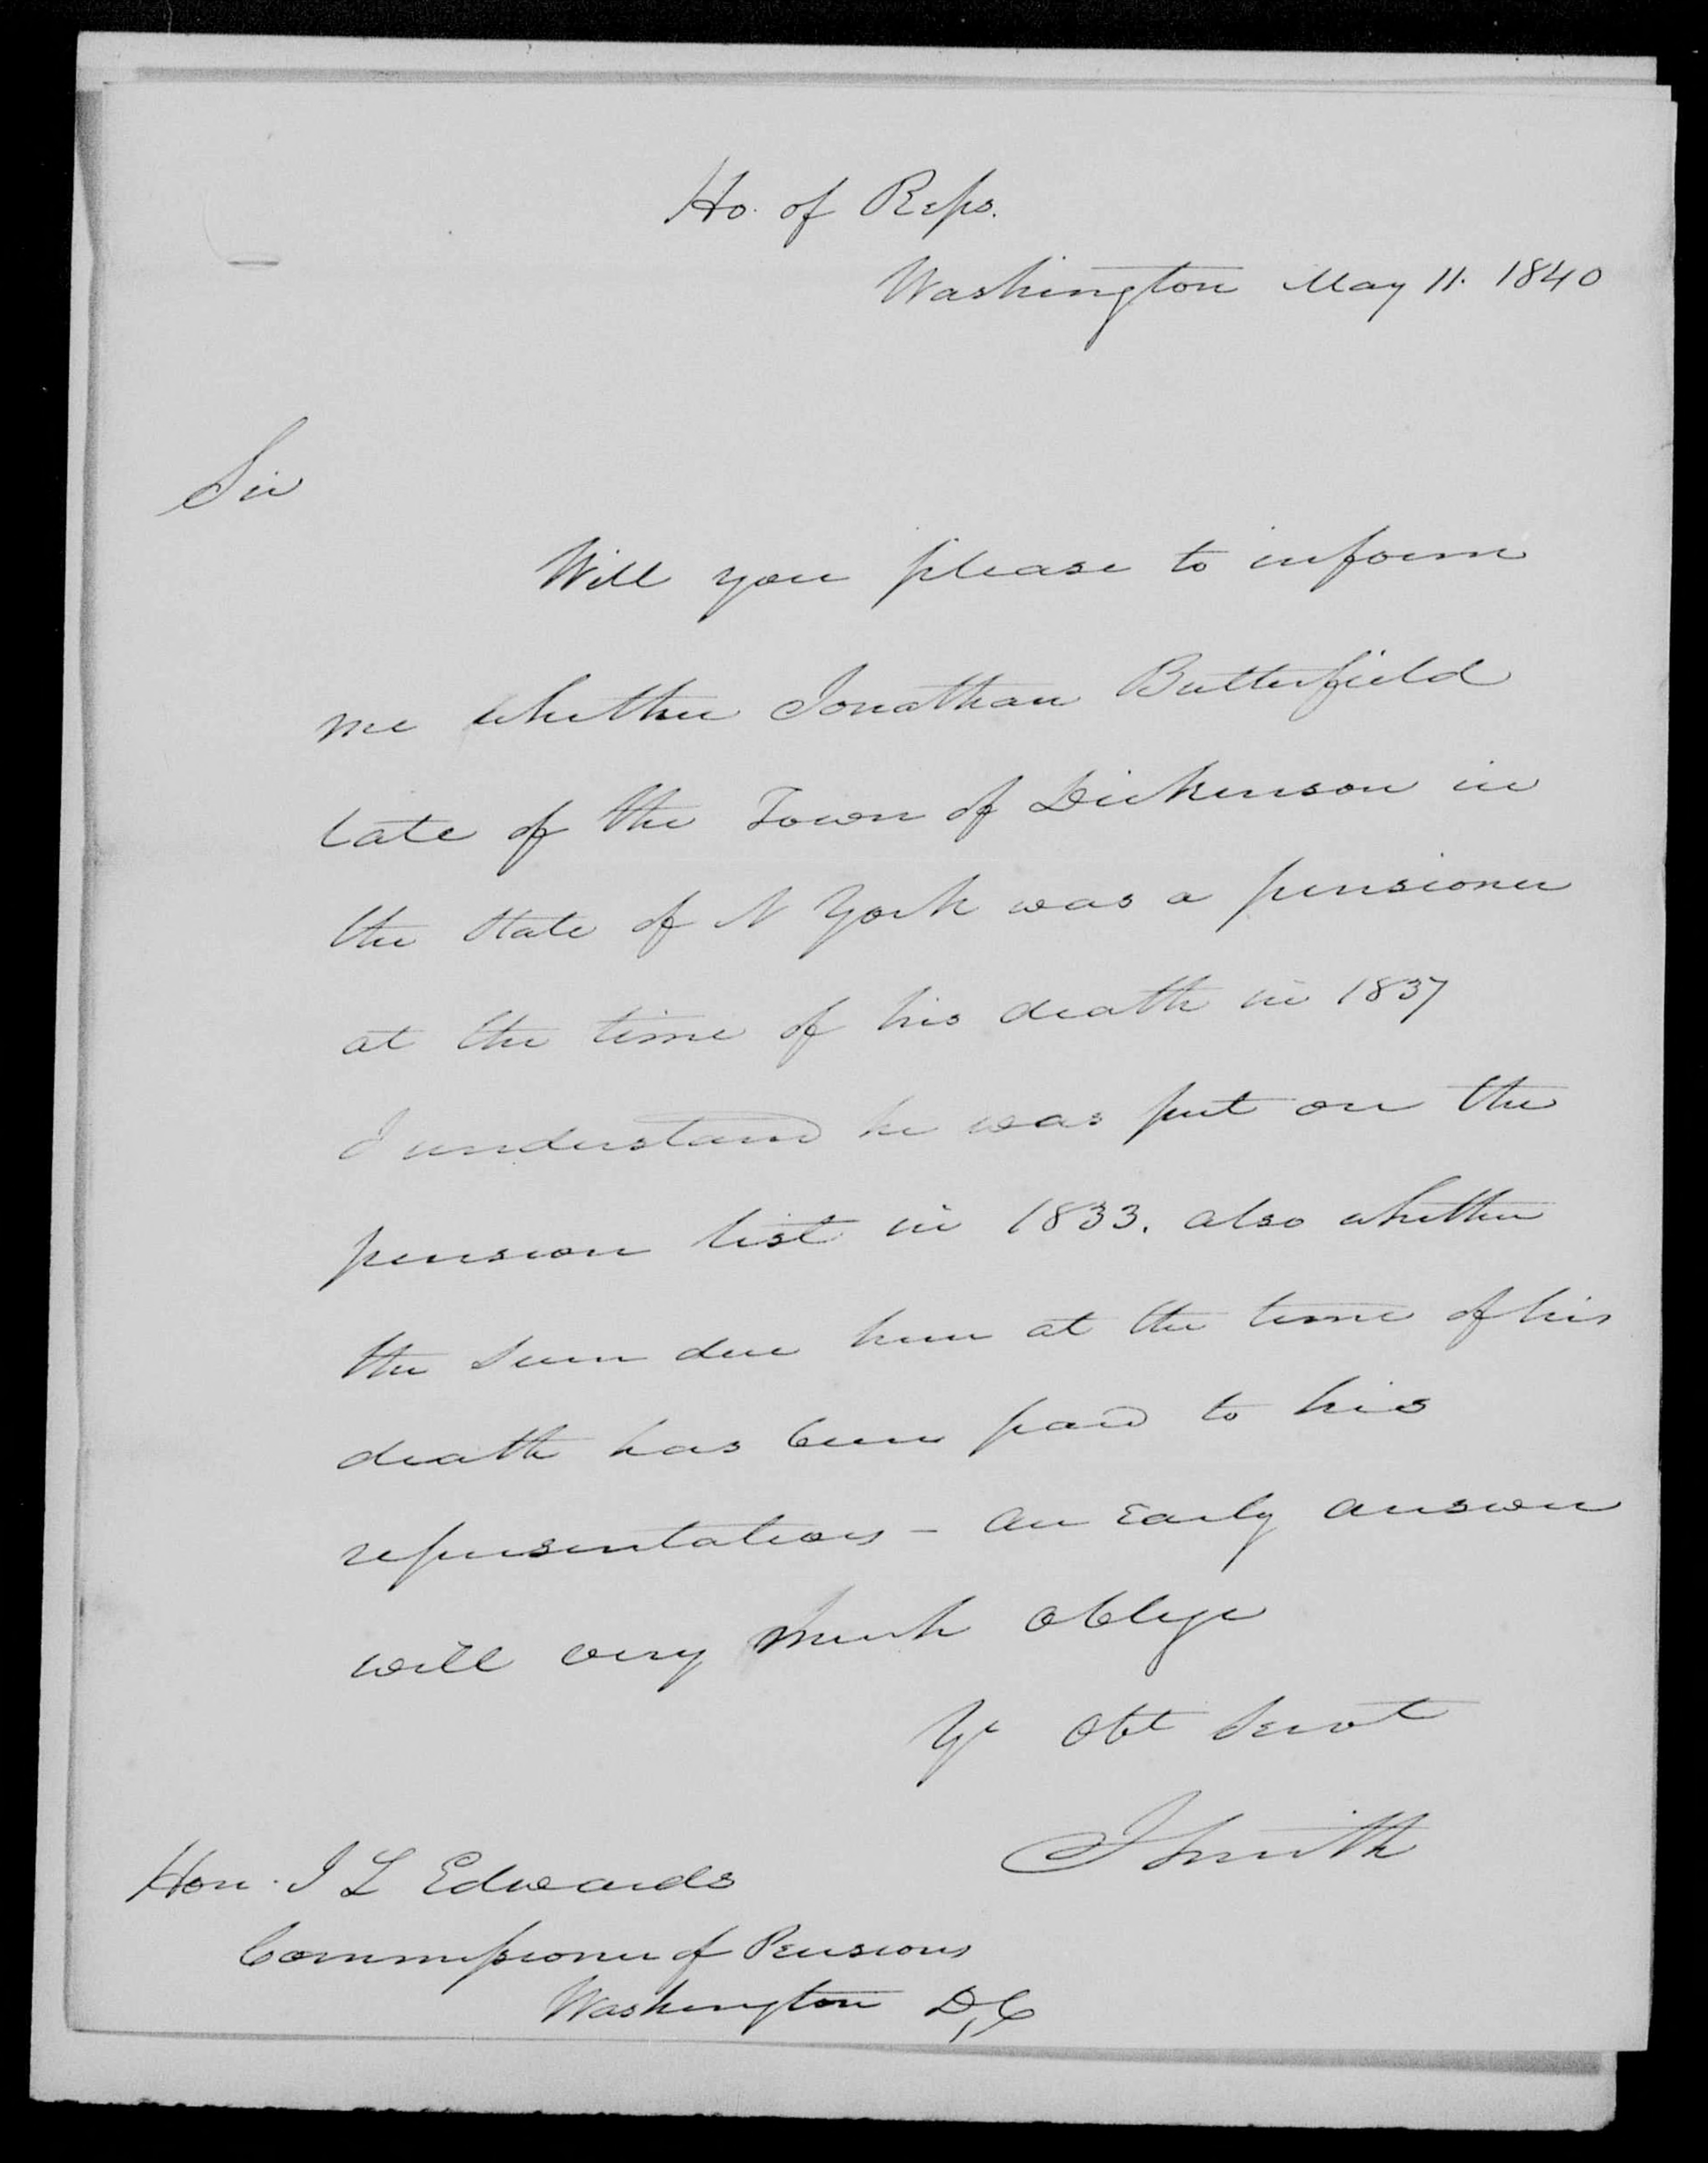House of Reps
Washington May 11. 1840
Sir
Will you please to inform me whether Jonathan Butterfield late of the Town of Dickinson in the State of N York was a pensioner at the time of his death in 1837
I understand he was put on the pension
list in 1833, also whether the sum due him at the time of his death has been paid to his
representations-- an early answer will very much oblige
ye obt Servt
J. Smith



Hon J L Edwards
Commissioner of Pensions
Washington DC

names: J Smith, Jonathan Butterfield, J L Edwards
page: 33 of 40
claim: rejected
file: R. 1558, Jonathan Butterfield, Mass. Vt.